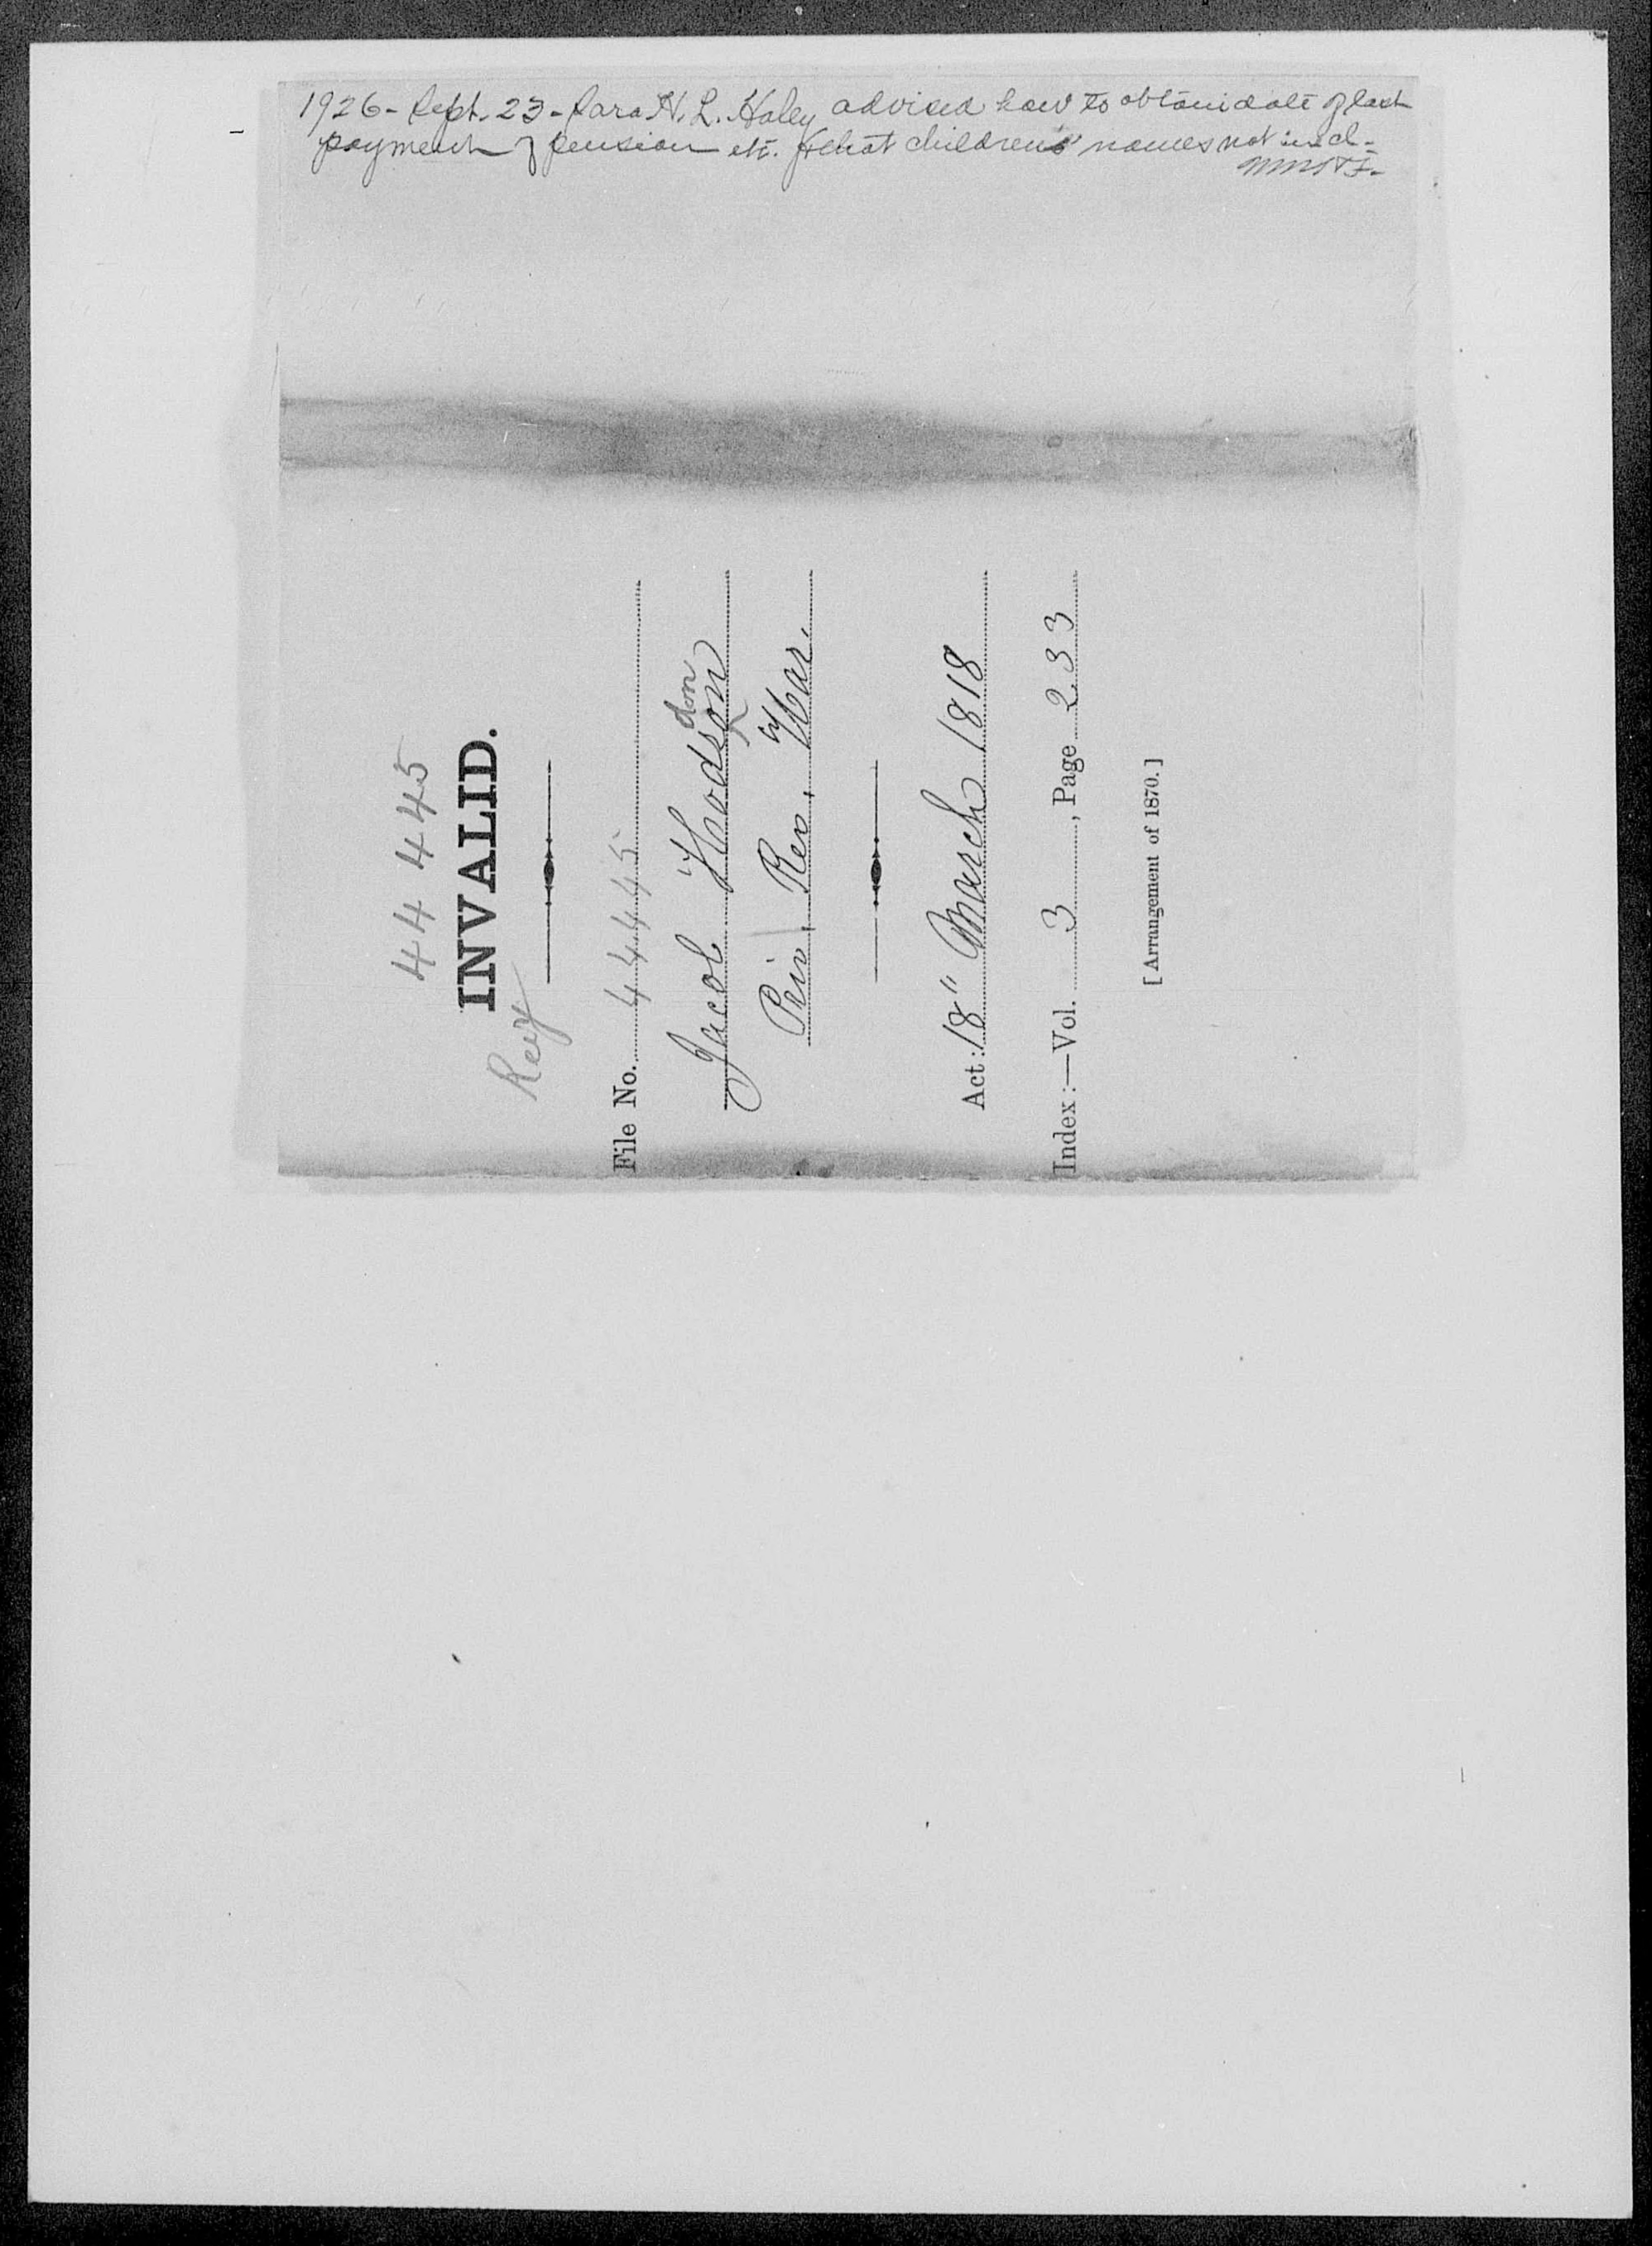44 445

INVALID>
File No. 44,445
Jacob Hodson
Priv  Rev War

Act 18 March 1818
Index:  Vol. 3 Page 233

[Arrangement of 1870.]

Handwritten text: 
1926 Sept 23 Sara H.L. Haley advised how to obtain date of last payment of pension etc. &chat childrens names not incl. (?)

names: Jacob Hodsdon, Sara H L Haley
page: 10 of 22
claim: survivor's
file: S 44445, Jacob Hodsdon, Mass.